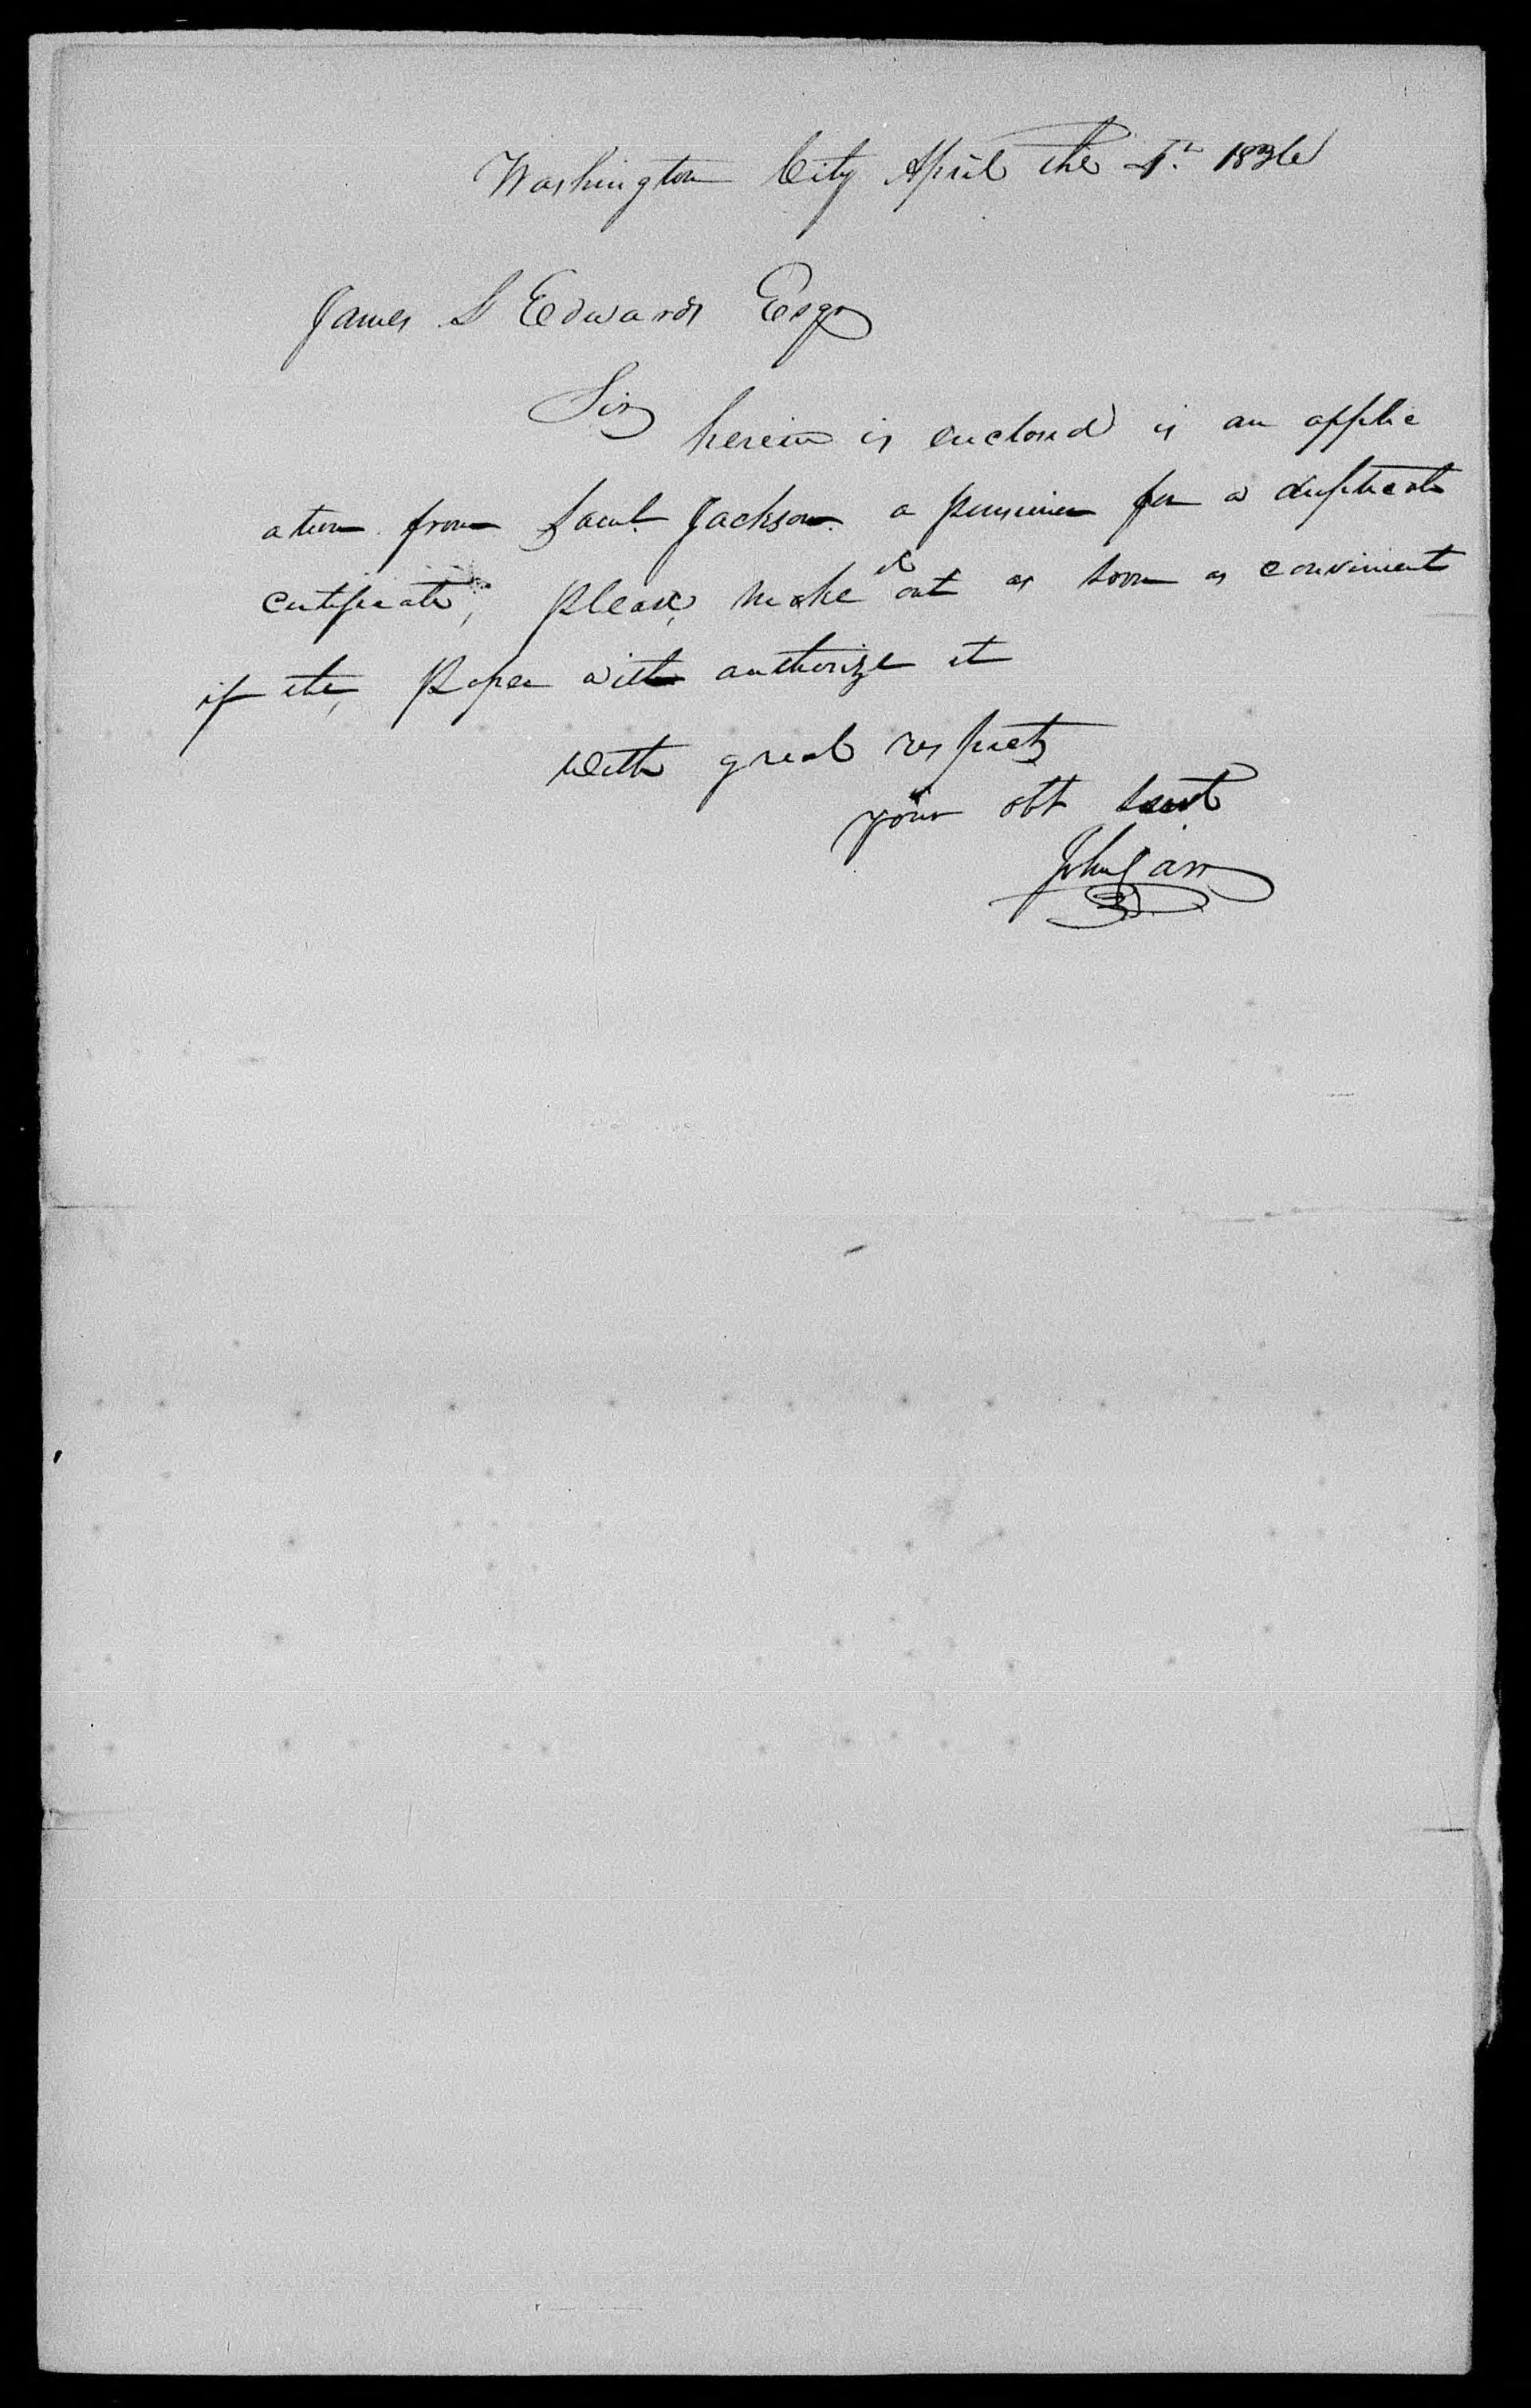Washington City April the 4th 1836

James S Edwards Esqr
Sir
herein is enclosed is an application
from Saml Jackson a pensioner for a duplicate
certificate, please make [inserted:] it out as soon as convenient
if the paper will authorize it
With great respect
your obt Svrt
John Iams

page: 24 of 56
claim: rejected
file: R 5529, for Samuel Jackson, Virginia